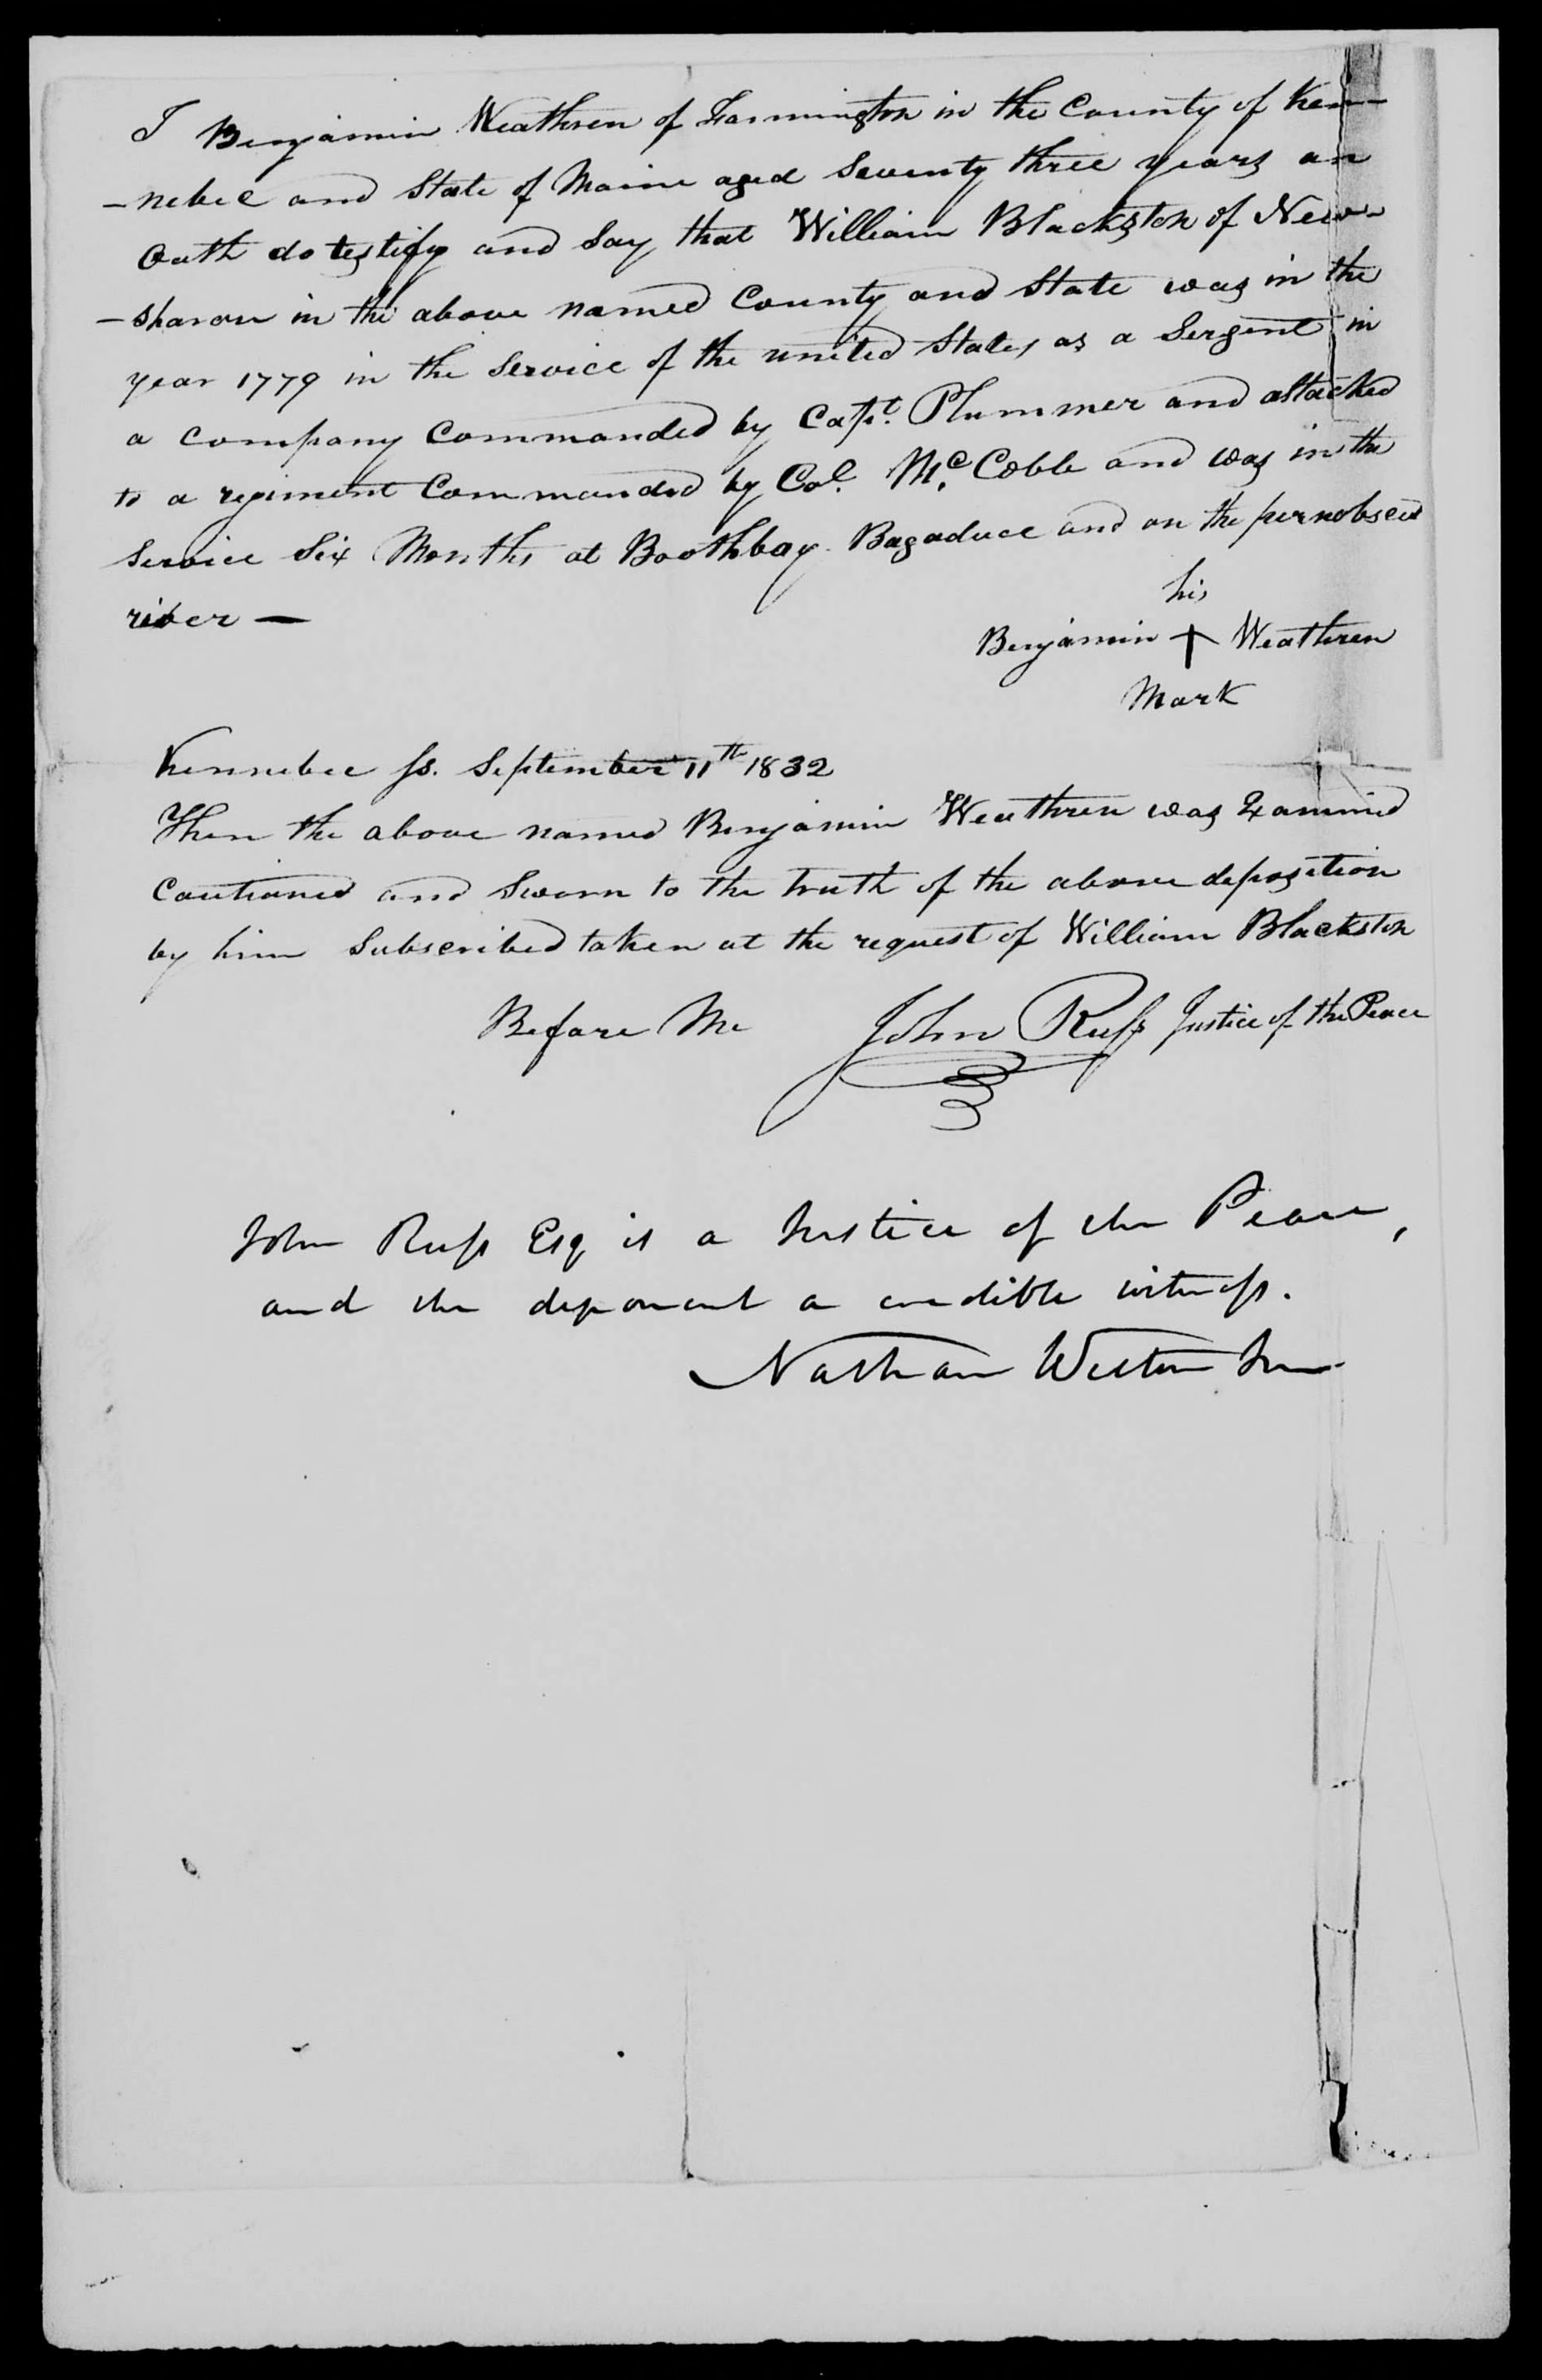I Benjamin Weathren of Farmington in the county of Kennebec
and State of Maine aged Seventy three years on
oath do testify and say that William Blackston of New
Sharon in the above named county and State was in the
year 1779 in the Service of the United States as a Sergent in
a company commanded by Capt. Plummer and attached
to a regiment commanded by Col. McCobb and was in the
Service Six Months at Boothbay Bagaduce and on the Penobscot
river --
his 
Benjamin [mark] Weathren
Mark

Kennebec ss. September 11th 1832
When the above named Benjamin Weathren was Examined
contained and Sworn to the truth of the above deposition
by him Subscribed taken at the request of William Blackston


Before Me
John Russ Justice of the Peace

John Russ Esq is a Justice of the Peace,
and he [illegible] a credible witness.
Nathan Weston Jus.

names: John Russ, Benjamin Weathren, Nathan Weston, William Blackston, William Blackston, Benjamin Weathren, Mc Cobb, Plummer, Benjamin Weathren, John Russ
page: 12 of 14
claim: survivor's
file: S. 30,869, William Blackston, Mass.